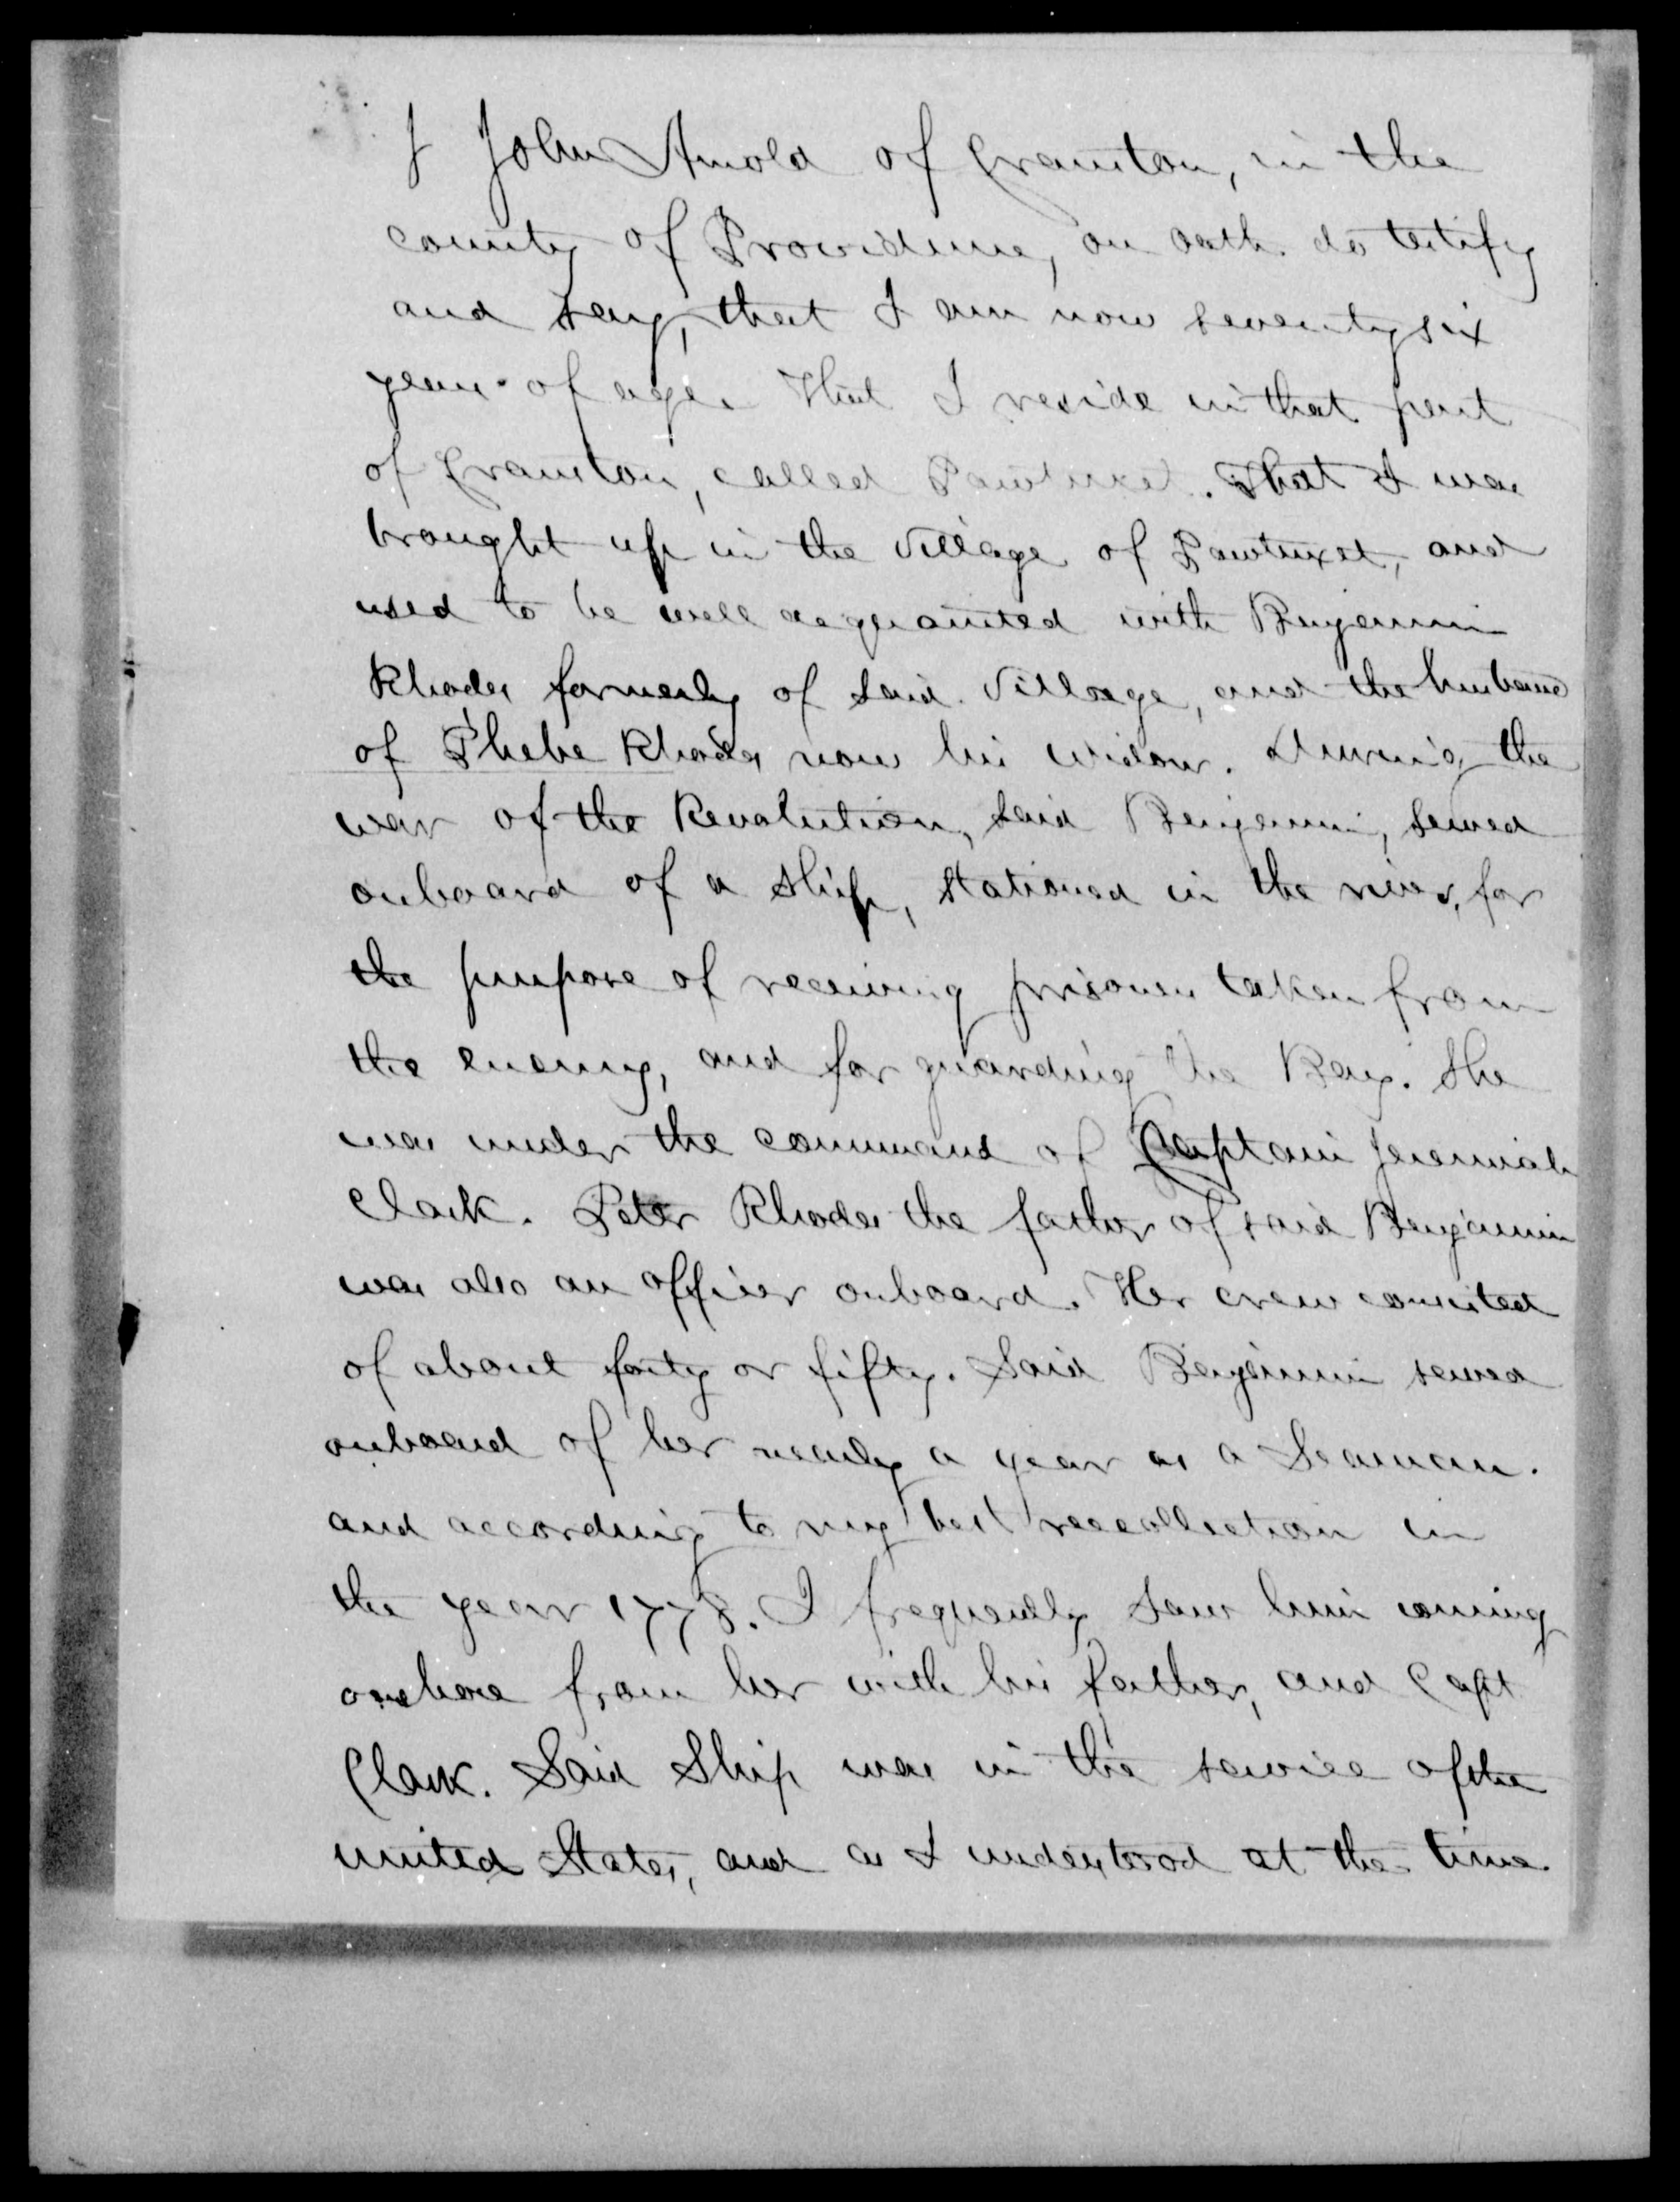I John Arnold of Cranston, in the county of Providence, on oath do testify and say, that I am now seventy six years of age. That I reside in that part of Cranston, called Pawtuxet. That I was brought up in the village of Pawtuxet, and used to be well acquainted with Benjamin Rhodes formerly of said village, and the husband of Phebe Rhodes now his widow. During the war of the Revolution, said Benjamin served onboard of a ship, stained in the river, for the purpose of receiving prisoners taken from the enemy, and for guarding the Bay. She was under the command of Captain Jeremiah Clark. Peter Rhodes the father of said Benjamin was also an officer onboard. The crew counted of about forty or fifty. Said Benjamin served onboard of her nearly a year as a Seaman. and according to my best recollection in the year 1778. I frequently saw him coming onshore from her with his father and Capt Clark. Said Ship was in the service of the United States, and as I understood at the time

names: Phebe Rhodes; [BLANK] Clark; Peter Rhodes; Benjamin Seweel; Benjamin [BLANK]; Benjamin Seweel; Benjamin Rhodes; Jeremiah Clark; John Arnold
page: 32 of 50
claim: widow's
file: W. 22058, for Benjamin Rhodes, Rhode Island